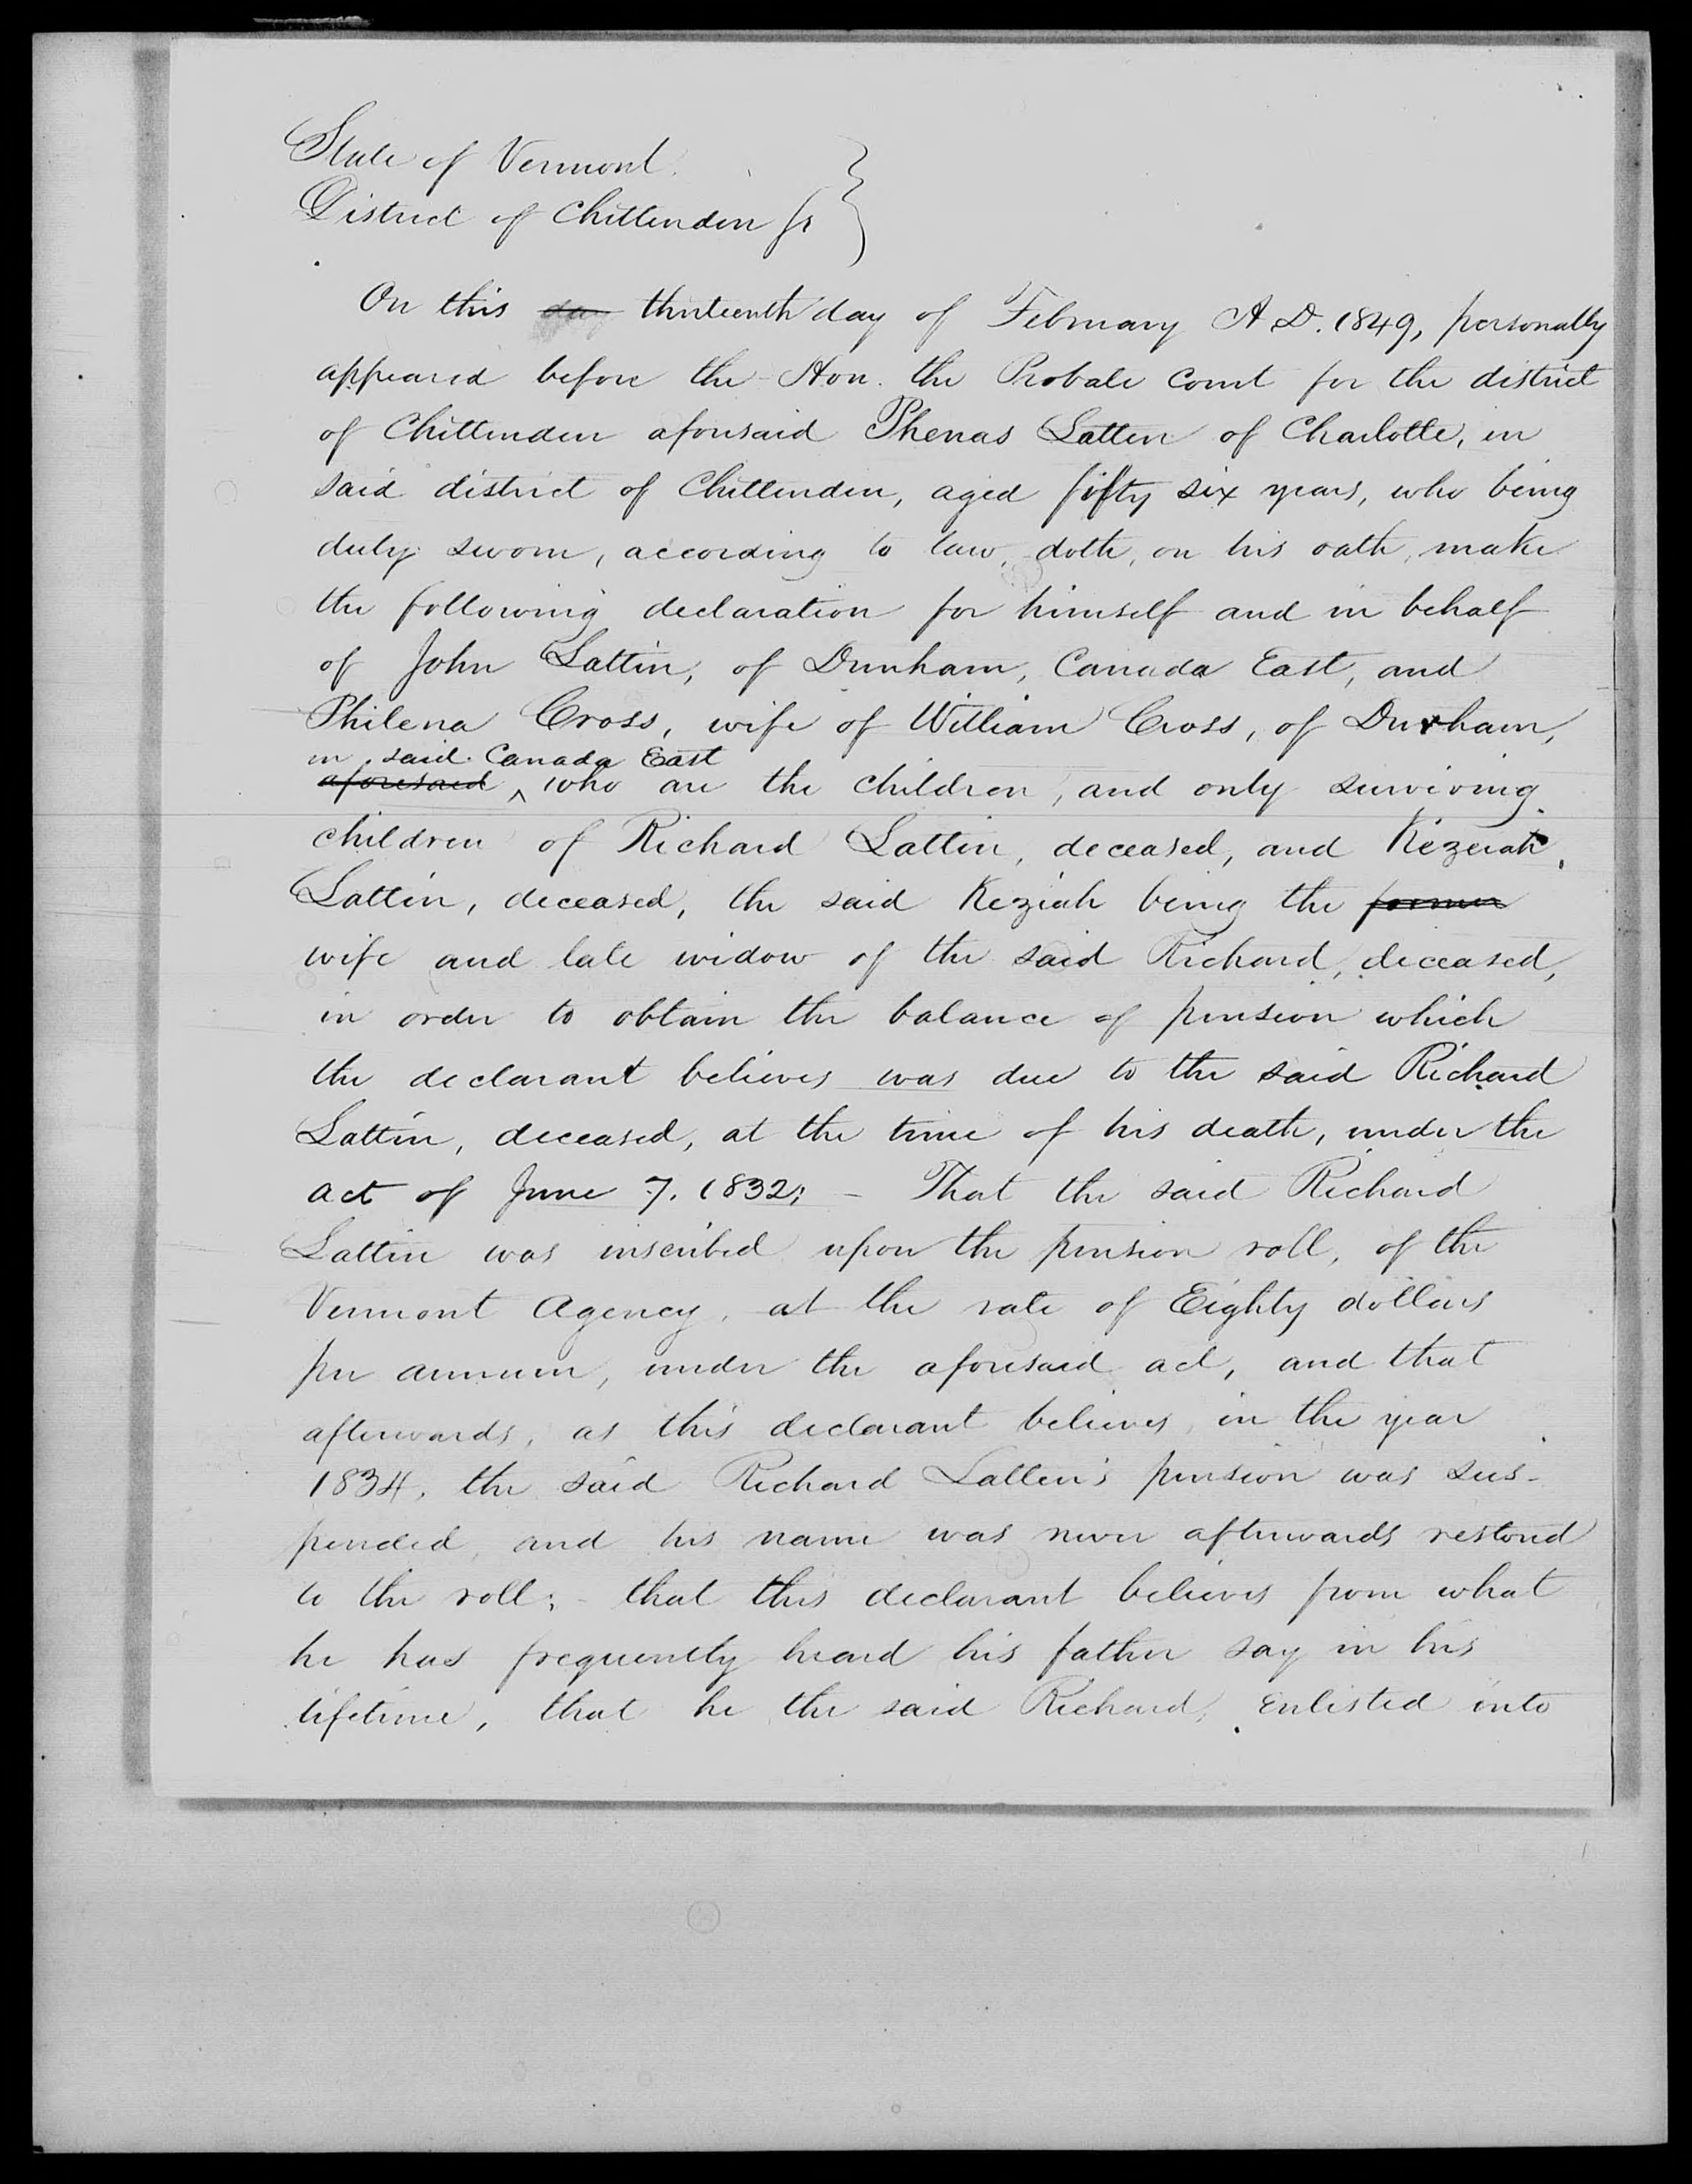State of Vermont District of Chittenden ss
On this thirteenth day of February A.D. 1849, personally
appeared before the Hon. the Probate Court for the district
of Chittenden aforesaid Phineas Lattin of Charlotte, in
said district of Chittenden, aged fifty six years, who being
duly sworn, according to law, doth, on his oath, make
the following declaration for himself and in behalf
of John Lattin, of Dunham, Canada East, and
Philena Cross, wife of William Cross, of Durham
in said Canada East
who are the children, and only surviving
children of Richard Lattin, deceased, and Kezerah
Lattin, deceased, the said Keziah being the
wife and late widow of the said Richard, deceased
in order to obtain the balance of pension which
the declarant believes was due to the said Richard
Lattin, deceased, at the time of his death, under the
act of June 7, 1832, - That the said Richard
Lattin was inscribed upon the pension roll of the
Vermont Agency, at the rate of Eighty dollars
per annum, under the aforesaid act, and that 
afterwards, as this declarant believes, in the year
1834, the said Richard Lattin's pension was suspended,
 and his name was never afterwards restored
to the roll; that this declarant believes from what
he has frequently heard his father say in his
lifetime, that he the said Richard Enlisted into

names: John Lattin; Richard Lattin; Phenas Lattin; Philena Cross; Kezeiah Lattin; William Cross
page: 12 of 99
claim: widow's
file: W. 24,482, for Richard Lattin, Vermont